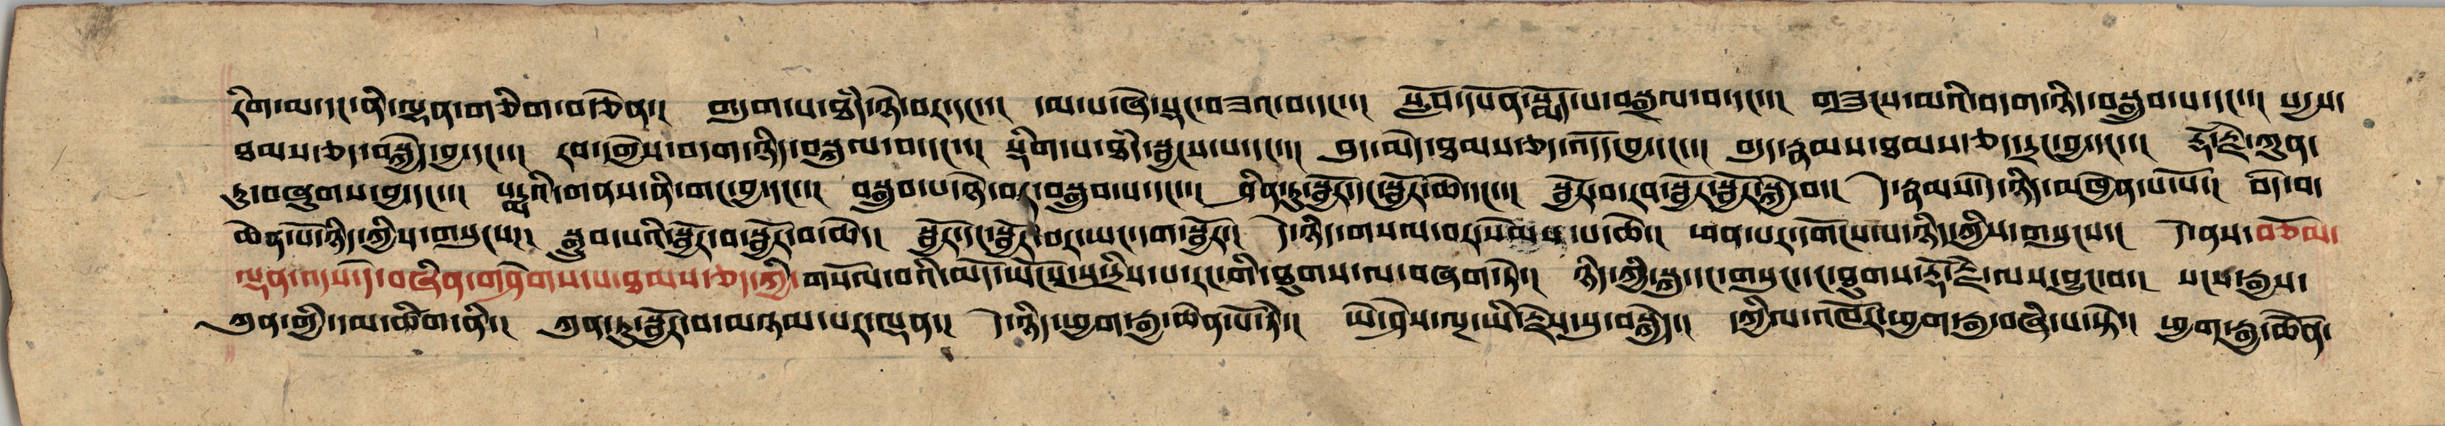རིག་མ་དང་ནི་ལྷན་གཅིག་བརྩེན་། གདུག་པ་ཐཾད་ཉེ་བར་དང་་། དམ་པ་ཞེ་སྡང་བཟའ་བ་དང་་། སློབ་དཔོན་སྨོད་པ་བསྒྲལ་བ་དང་་། གཟུངས་མའི་བདག་ཉིད་བསྒྲུབ་པ་དང་་། སདྱས་
ཐམས་ཅད་བསྐྱེད་བྱ་དང་་། རབ་དགྱེས་བདག་ཉིད་བསྐུལ་བ་དང་་། སྡིག་པ་ཐཾད་སྦྱངས་པ་དང་་། བུད་མེད་ཐམས་ཅད་འདོད་བྱ་དང་་། བདུད་རྣམས་ཐམས་ཅད་དྲང་བྱ་དང་་། རྡོ་རྗེ་ཀུན་
ཏུ་བཞུགས་བྱ་དང་་། པདྨའི་གནས་ནི་གང་བྱ་དང་་། བསྒྲུབ་པ་ཉེ་བར་བསྒྲུབ་པ་དང་་། ཤིན་ཏུ་སྦྱོར་དང་སྦྱོར་ཆེ་དང་་། སྦྱོར་བ་རབ་སྦྱོར་སྦྱོར་སྐྱེ་བ་། དེ་རྣམས་དེ་ཉིད་མཁྱེན་པ་པོ་། བདེ་བ་
ཆེན་པོཉིད་ཀྱིས་གསུངས་། སྒྲུབ་པའི་སྦྱོར་བ་སྦྱོར་བ་ཆེ་། སྦྱོར་དང་སྦྱོར་བར་ཡང་དག་སྦྱོར་། དེ་ཉིད་གསལ་བར་སེམས་པ་ཆེ་། ཕན་པར་དགོངས་པ་ཉིད་ཀྱིས་གསུངས་། དེ་ནས་བཅོམ་
ལྡན་འདས་དེ་བཞིན་གཤེགས་པ་ཐམས་ཅད་ཀྱི་གསོལ་བའི་མདོ་ཡོངས་སུ་དྲིས་པ་རང་གི་ཐུགས་ལ་བཞག་ཏེ་། ཉིད་ཀྱི་སྐུ་དང་གསུང་དང་ཐུགས་རྡོ་རྗེ་ལས་བྱུང་བ་། སངས་རྒྱས་
ཀུན་གྱི་དམ་ཚིག་ནི་། ཀུན་ཏུ་སྦྱོར་བ་མཉམ་པར་ལྡན་། དེ་ཉིད་ཕྱག་རྒྱ་ཆེན་པོ་ཏེ་། ཡེ་ཤེས་ལྔ་ཡི་རྗེས་སུ་བསྐྱེད་། དཀྱིལ་འཁོར་ཕྱག་རྒྱ་བཞི་པ་སྟེ་། ཕྱག་རྒྱ་ཆེོན་